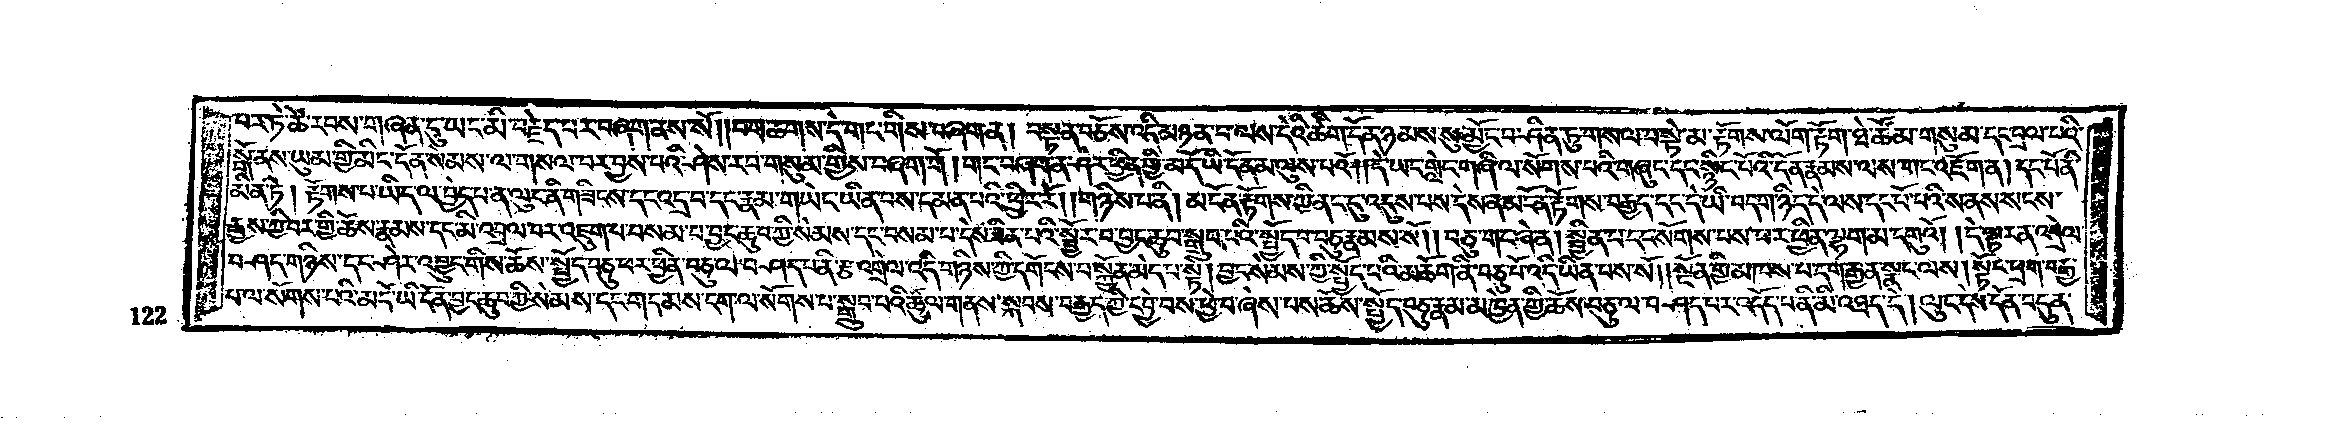པར་ཏེ་ཚེ་རབས་གཞན་དུ་ཡང་མི་བརྗེད་པར་བཞག་ནས་སོ། །བག་ཆགས་དེ་གང་གིས་བཞག་ན། བསྟན་བཅོས་འདི་མཉན་པ་ལས་དེའི་ཚིག་དོན་ཉམས་སུ་མྱོང་བ་ཤིན་ཏུ་གསལ་བ་སྟེ་མ་རྟོགས་ལོག་རྟོག་ཐེ་ཚོམ་གསུམ་དང་བྲལ་པའི་
སོག་ནས་ཡུམ་གྱི་མིང་དོན་སེམས་ལ་གསལ་བར་བྱས་པའི་ཤེས་རབ་གསུམ་གྱིས་བཞག་གོ །གང་བཞག་ན་ཤེར་ཕྱིན་གྱི་མདོ་ཡི་དོན་མ་ལུས་པའོ། །དེ་ཡང་གླེང་གཞི་ལ་སོགས་པའི་གཞུང་དང་སྙིང་པོའི་དོན་རྣམས་ལས་གང་འཇོག་ན། དང་པོ་ནི་
མིན་ཏེ། རྟོགས་པ་ཡིད་ལ་བྱེད་པ་ན་ལུང་ནི་གཟིངས་དང་འདྲ་བ་དང་རྣམ་གཡེང་ཡིན་པས་དམན་པའི་ཕྱིར་རོ། །གཉིས་པ་ནི། མངོན་རྟོགས་ཀྱི་ནང་དུ་འདུས་པས་དེས་ན་མངོན་རྟོགས་བརྒྱད་དང་དེ་ཡི་བདག་ཉིད་དེ་ལས་དང་པོ་པའི་ས་ནས་སངས་
རྒྱས་ཀྱི་བར་གྱི་ཆོས་རྣམས་དང་མི་འབྲལ་བར་འཇུག་པ་བསམ་པ་བྱང་ཆུབ་ཀྱི་སེམས་དང་བསམ་པ་དེས་ཟིན་པའི་སྦྱོར་བ་བྱང་ཆུབ་སྒྲུབ་པའི་སྤྱོད་པ་བཅུ་རྣམས་སོ། །བཅུ་གང་ཞེ་ན། སྦྱིན་པ་དང་སོགས་པས་ཕར་ཕྱིན་ལྷག་མ་དགུའོ། །དེ་ལྟར་ན་འགྲེལ་
བཤད་གཉིས་དང་ཤེར་འབྱུང་གིས་ཆོས་སྤྱོད་བཅུ་ཕར་ཕྱིན་བཅུ་ལ་བཤད་པ་ནི་རྩ་འགྲེལ་འདི་གཉིས་ཀྱི་དགོངས་པ་སྐྱོན་མེད་པ་སྟེ། བྱང་སེམས་ཀྱི་སྤྱོད་པའི་མཆོག་ནི་བཅུ་པོ་འདི་ཡིན་པས་སོ། །སྔོན་གྱི་མཁས་པ་དག་རྒྱན་སྣང་ལས། སྟོང་ཕྲག་བརྒྱ་
པ་ལ་སོགས་པའི་མདོ་ཡི་དོན་བྱང་ཆུབ་ཀྱི་སེམས་དང་གདམས་ངག་ལ་སོགས་པ་སྒྲུབ་པའི་ཚུལ་གནས་སྐབས་བརྒྱད་ཀྱི་དབྱེ་བས་ཕྱེ་བ་ཞེས་པས་ཆོས་སྤྱོད་བཅུ་རྣམ་མཁྱེན་གྱི་ཆོས་བཅུ་ལ་བཤད་པར་འདོད་པ་ནི་མི་འཐད་དེ། ལུང་དེས་དོན་བདུན་